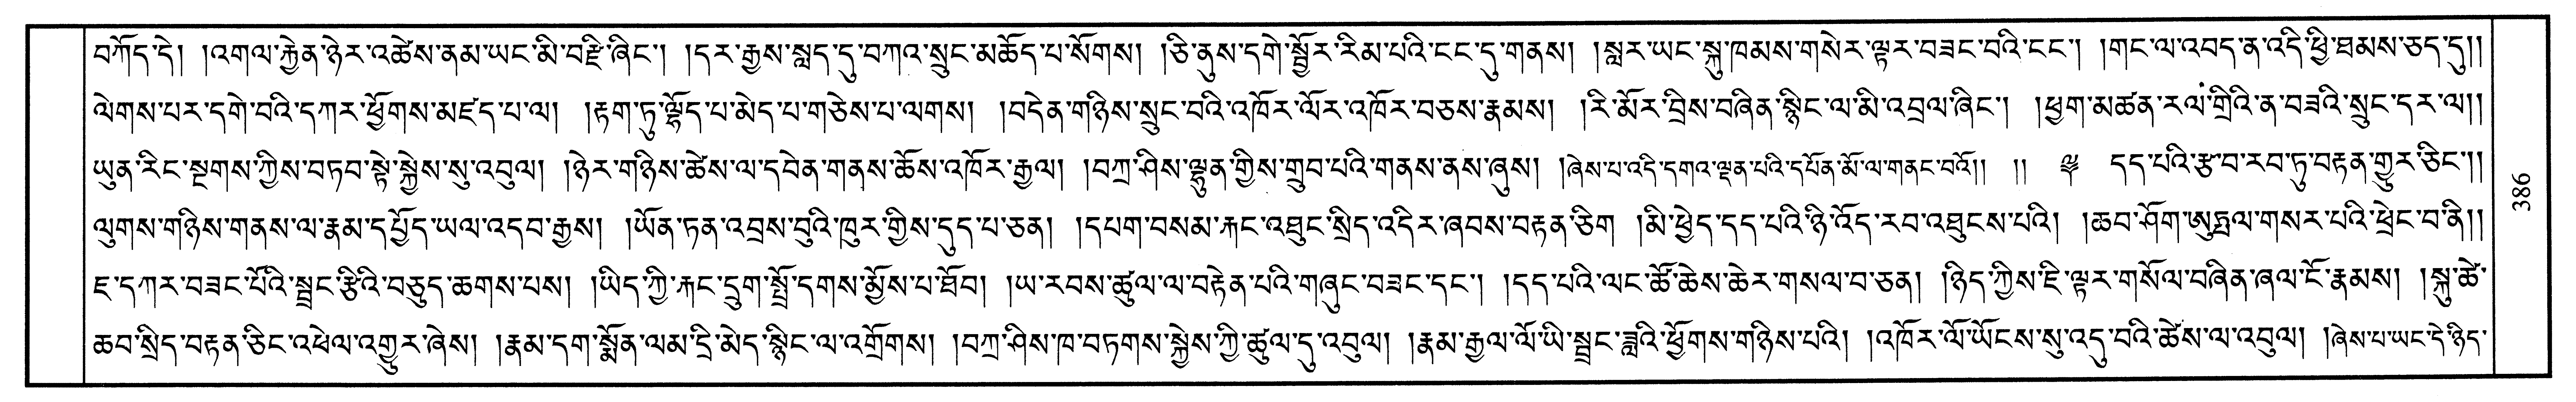བཀོད་དེ། །འགལ་རྐྱེན་ཉེར་འཚེས་ནམ་ཡང་མི་བརྫི་ཞིང་། །དར་རྒྱས་སླད་དུ་བཀའ་སྲུང་མཆོད་པ་སོགས། །ཅི་ནུས་དགེ་སྦྱོར་རིམ་པའི་ངང་དུ་གནས། །སླར་ཡང་སྐུ་ཁམས་གསེར་ལྟར་བཟང་བའི་ངང་། །གང་ལ་འབད་ན་འདི་ཕྱི་ཐམས་ཅད་དུ།།
ལེགས་པར་དགེ་བའི་དཀར་ཕྱོགས་མཛད་པ་ལ། །རྟག་ཏུ་ལྷོད་པ་མེད་པ་གཅེས་པ་ལགས། །བདེན་གཉིས་སྲུང་བའི་འཁོར་ལོར་འཁོར་བཅས་རྣམས། །རི་མོར་བྲིས་བཞིན་སྙིང་ལ་མི་འབྲལ་ཞིང་། །ཕྱག་མཚན་རལ་གྲིའི་ན་བཟའི་སྲུང་དར་ལ།།
ཡུན་རིང་སྔགས་ཀྱིས་བཏབ་སྟེ་སྐྱེས་སུ་འབུལ། །ཉེར་གཉིས་ཚེས་ལ་དབེན་གནས་ཆོས་འཁོར་རྒྱལ། །བཀྲ་ཤིས་ལྷུན་གྱིས་གྲུབ་པའི་གནས་ནས་ཞུས། །ཞེས་པ་འདི་དགའ་ལྡན་པའི་དཔོན་མོ་ལ་གནང་བའོ།། །། ༈ དད་པའི་རྩ་བ་རབ་ཏུ་བརྟན་གྱུར་ཅིང།།
ལུགས་གཉིས་གནས་ལ་རྣམ་དཔྱོད་ཡལ་འདབ་རྒྱས། །ཡོན་ཏན་འབྲས་བུའི་ཁུར་གྱིས་དུད་པ་ཅན། །དཔག་བསམ་རྐང་འཐུང་སྲིད་འདིར་ཞབས་བརྟན་ཅིག །མི་ཕྱེད་དད་པའི་ཉི་འོད་རབ་འཐུངས་པའི། །ཆབ་ཤོག་ཨུཏྤལ་གསར་པའི་ཕྲེང་བ་ནི།།
ཇ་དཀར་བཟང་པོའི་སྦྲང་རྩིའི་བཅུད་ཆགས་པས། །ཡིད་ཀྱི་རྐང་དྲུག་སྤྲོ་དགས་མྱོས་པ་ཐོབ། །ཡ་རབས་ཚུལ་ལ་བརྟེན་པའི་གཞུང་བཟང་དང་། །དད་པའི་ལང་ཚོ་ཆེས་ཆེར་གསལ་བ་ཅན། །ཉིད་ཀྱིས་ཇི་ལྟར་གསོལ་བཞིན་ཞལ་ངོ་རྣམས། །སྐུ་ཚེ་
ཆབ་སྲིད་བརྟན་ཅིང་འཕེལ་འགྱུར་ཞེས། །རྣམ་དག་སྨོན་ལམ་དྲི་མེད་སྙིང་ལ་འགྲོགས། །བཀྲ་ཤིས་ཁ་བཏགས་སྐྱེས་ཀྱི་ཚུལ་དུ་འབུལ། །རྣམ་རྒྱལ་ལོ་ཡི་སྦྲང་ཟླའི་ཕྱོགས་གཉིས་པའི། །འཁོར་ལོ་ཡོངས་སུ་འདུ་བའི་ཚེས་ལ་འབུལ། །ཞེས་པ་ཡང་དེ་ཉིད་